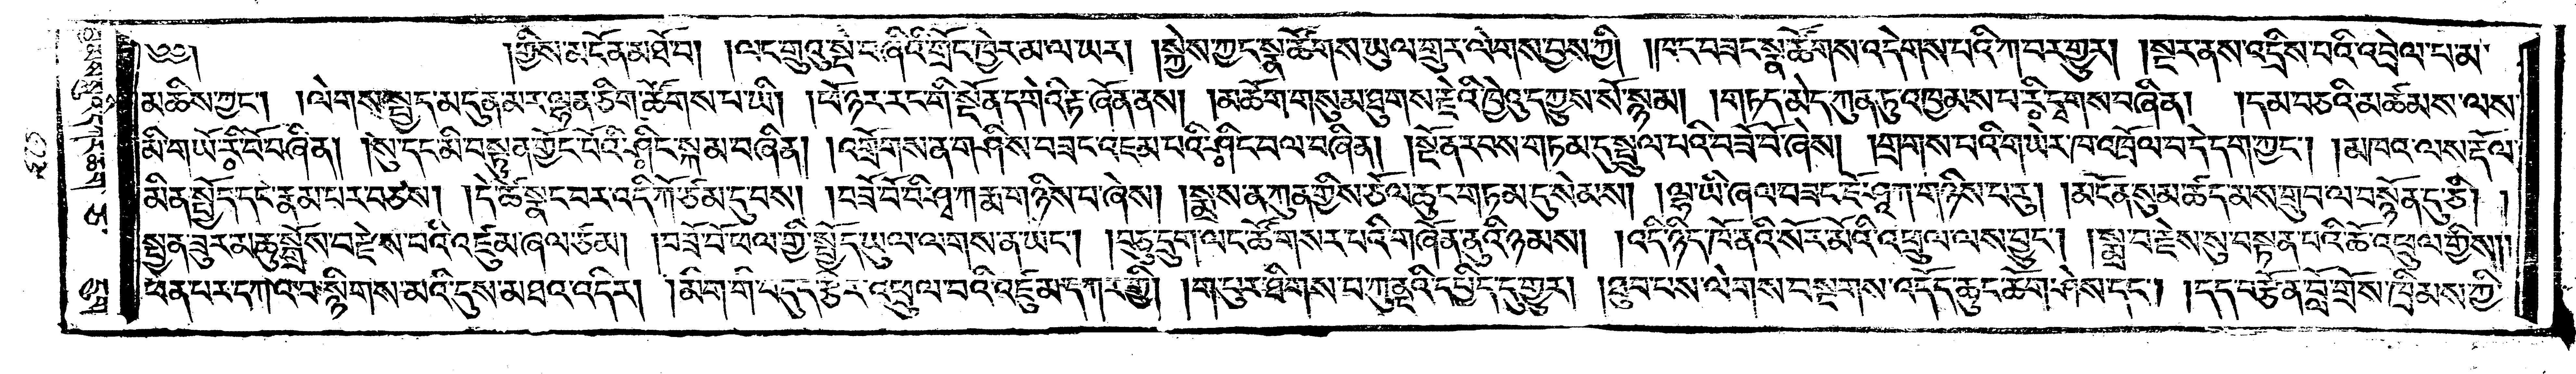༄༅། །གྱིས་མངོན་མཐོ་བ། །ལང་གྲུའུ་སྡེ་བཞིའི་གྲོང་ཁྱེར་མ་ལ་ཡར། །སྐྱེས་ཀྱང་སྣ་ཚོགས་ཡུལ་གྲུར་ལེགས་བྱས་ཀྱི། །ཁང་བཟང་སྣ་ཚོགས་འདེགས་པའི་ཀ་བར་གྱུར། །སྔར་ནས་འདྲིས་པའི་འབྲེལ་པ་མ་
མཆིས་ཀྱང་། །ལེགས་སྤྱད་མདུན་མར་ལྷན་ཅིག་ཚོགས་པ་ཡི། །ཕོ་ཉར་རང་གི་སྡོན་དགེའི་རྟ་ཞོན་ནས། །མཆོག་གསུམ་ཐུགས་རྗེའི་ཁྱེའུ་དཀྱུས་སོ་སྙམ། །གཏད་མེད་ཀུན་ཏུ་འཁྱམས་པ་རི྾་དྭགས་བཞིན། །དམ་བཅའི་མཚམས་ལས་
མི་གཡོ་རི་བོ་བཞིན། །སུ་དང་མི་བསྟུན་གྱོང་པོའི་ཤིང་སྐམ་བཞིན། །འགྲོགས་ན་གཤིས་བཟང་འཇམ་པའི་ཤིང་བལ་བཞིན། །སྔོན་རབས་གཏམ་དུ་སྤྲུལ་པའི་བཟོ་བོ་ཞེས། །གྲགས་པའི་གཡེར་ཁ་འཁྲོལ་བ་དེ་དག་ཀྱང་། །མཁའ་ལས་རྡོལ་
མིན་སྤྱོད་དང་རྣམ་པར་བཅས། །དེ་ཚེ་སྣང་བར་འདི་ཀོ་ཙམ་དུ་བས། །བཟོ་བོ་བི་ཤྭ་ཀརྨ་གཉིས་པ་ཞེས། །སྨྲས་ན་ཀུན་གྱིས་ཅོལ་ཆུང་གཏམ་དུ་སེམས། །ལྷ་ཡི་ཞལ་བཟང་ཇོ་ཤཱཀ་གཉིས་པ་རུ། །མངོན་སུམ་ཚད་མས་གྲུབ་ལ་བསྙོན་དུ་ཅི།
སྤྱན་ཟུར་མཆུ་སྒྲོས་བརྫེས་པའི་འཛུམ་ཞལ་ཙམ། །བཟོ་བོ་ཕལ་གྱི་སྤྱོད་ཡུལ་ལགས་ན་ཡང་། །བཅུ་དྲུག་ལང་ཚོ་གསར་པའི་གཞོན་ནུའི་ཉམས། །འདི་ཉིད་ཁོ་ནའི་སོར་མོའི་འཕྲུལ་ལས་བྱུང་། །སྨྲ་བ་རྗེས་སུ་བསྟན་པའི་ཆོ་འཕྲུལ་གྱིས།།
ཕན་པར་དཀའ་བ་སྙིགས་མའི་དུས་མཐའ་འདིར། །མིག་གི་བདུད་རྩིར་འཕྲུལ་པའི་འཛུམ་དཀར་གྱི། །ག་པུར་ཐིགས་པུ་ཀུནྡའི་དཔྱིད་དུ་གྱུར། །ཐུབ་པས་ལེགས་བསྔགས་འདོད་ཆུང་ཆོག་ཤེས་དང་། །དད་བརྩོན་བློ་གྲོས་ཁྲིམས་ཀྱི་